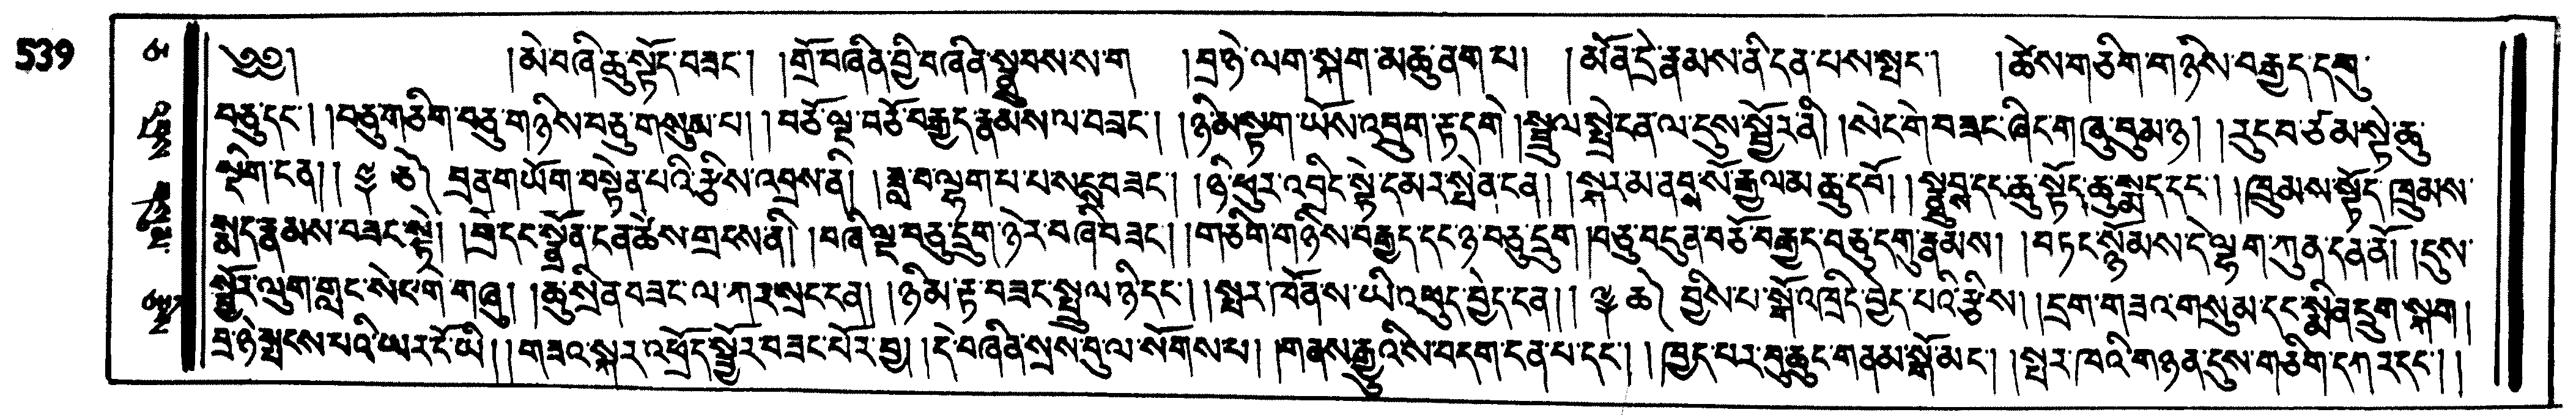༄༅། །མེ་བཞི་ཆུ་སྟོད་བཟང་། །གྲོ་བཞིན་བྱི་བཞིན་སྣྲུབས་ས་ག །བྲ་ཉེ་ལག་སྐག་མཆུ་ནག་པ། །མོན་དྲེ་རྣམས་ནི་ངན་པས་སྤང་། །ཚེས་གཅིག་གཉིས་བརྒྱད་དགུ་
བཅུ་དང་། །བཅུ་གཅིག་བཅུ་གཉིས་བཅུ་གསུམ་པ། །བཅོ་ལྔ་བཅོ་བརྒྱད་རྣམས་ལ་བཟང་། །ཉི་མ་སྟག་ཡོས་འབྲུག་རྟ་དགེ །སྦྲུལ་སྤྲེ་ངན་ལ་དུས་སྦྱོར་ནི། །སེང་གེ་བཟང་ཞིང་གཞུ་བུམ་ཉ། །རུང་བ་ཙམ་སྟེ་ཆུ་
སྡིག་ངན། ། འ་ཅ་བྲན་གཡོག་བསྟེན་པའི་རྩིས་འབྲས་ནི། །ཟླ་བ་ལྷག་པ་པ་སངས་བཟང་། །ཉི་ཕུར་འབྲིང་སྟེ་དམར་སྤེན་ངན། །སྐར་མ་ནབས་སོ་རྒྱལ་མཆུ་དབོ། །སྣྲུབས་དང་ཆུ་སྟོད་ཆུ་སྨད་དང་། །ཁྲུམས་སྟོད་ཁྲུམས་
སྨད་རྣམས་བཟང་སྟེ། །གྲེ་དང་སྣྲོན་ངན་ཚེས་གྲངས་ནི། །བཞི་ལྔ་བཅུ་དྲུག་ཉེར་བཞི་བཟང་། །གཅིག་གཉིས་བརྒྱད་དང་ཉ་བཅུ་དྲུག །བཅུ་བདུན་བཅོ་བརྒྱད་བཅུ་དགུ་རྣམས། །བཏང་སྙོམས་དེ་ལྷག་ཀུན་དན་ནོ། །དུས་
སྦྱོར་ལུག་གླང་སེང་གེ་གཞུ། །ཆུ་སྲིན་བཟང་ལ་ཀར་སྲང་ངན། །ཉི་མ་རྟ་བཟང་སྤྲུལ་ཉི་དང་། །སྤར་ཁོན་ས་ཡི་འཕུད་བྱེད་ངན། ། འ་ཆ་བྱིས་པ་སྒོ་འཁྲིད་བྱེད་པའི་རྩིས། །དྲག་གཟའ་གསུམ་དང་སྨིན་དྲུག་སྐག །
བྲ་ཉེ་སྤངས་པའི་ཡར་ངོ་ཡི། །གཟའ་སྐར་འཕྲོད་སྦྱོར་བཟང་པོར་བྱ། །དེ་བཞིན་སྲས་བུ་ལ་སོགས་པ། །གནས་རྒྱུའི་ས་བདག་ངན་པ་དང་། །ཁྱད་པར་བུ་ཆུང་གནམ་སྒོ་མང་། །སྤར་ཁའི་གཉན་དུས་གཅིག་དཀར་དང་། །